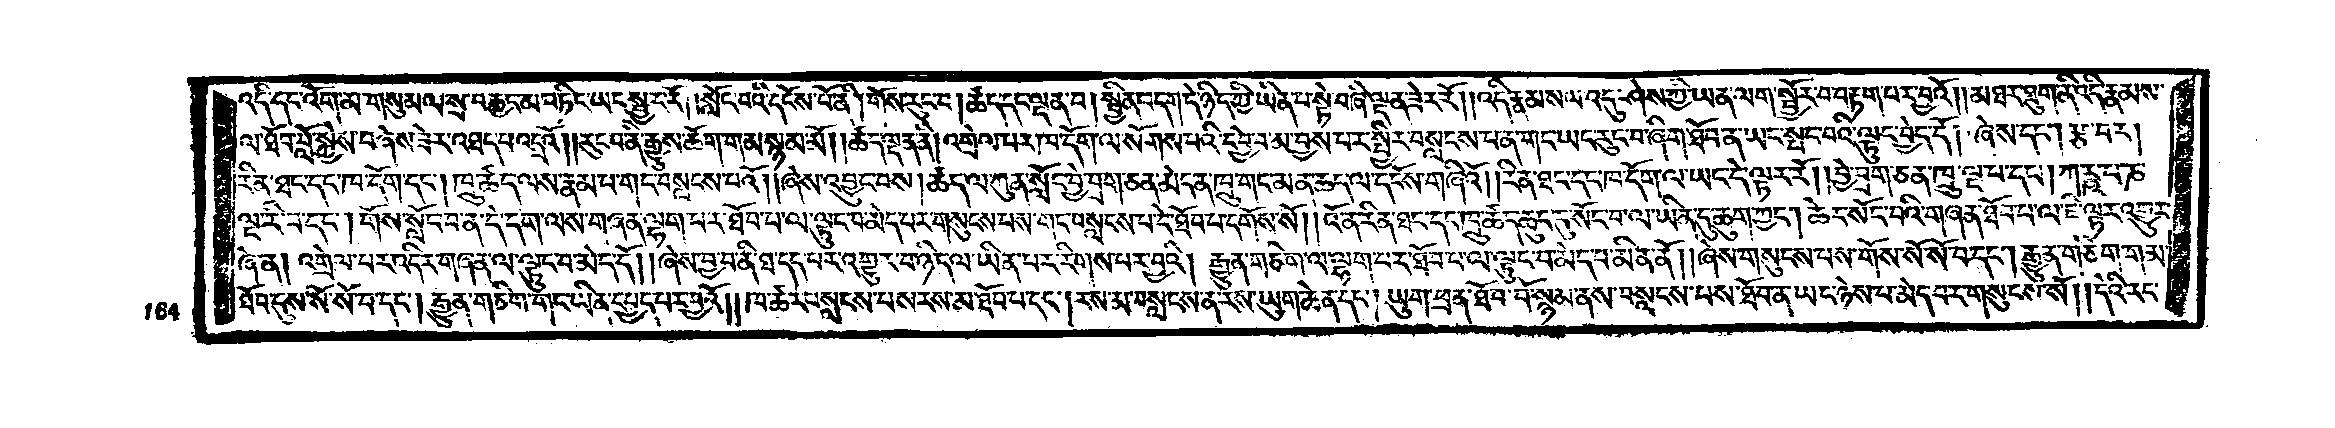འདི་དང་འོག་མ་གསུམ་ལ་སྲ་བརྐྱང་མ་བཏིང་ཡང་སྦྱར་རོ། །སློང་བའི་དངོས་པོ་ནི། གོས་རུང་བ། ཚད་དང་ལྡན་པ། སྦྱིན་བདག་དེ་ཉིད་ཀྱི་ཡིན་པ་སྟེ་བཞི་ལྡན་ཟེར་རོ། །འདི་རྣམས་ལ་འདུ་ཤེས་ཀྱི་ཡན་ལག་སྦྱོར་བ་བརྟག་པར་བྱའོ། །མཐར་ཐུག་ནི་འདི་རྣམས་
ལ་ཐོབ་?་བློ་སྐྱེས་པ་ཞེས་ཟེར་འཐད་པ་འདྲའོ། །རུང་བ་ནི་རྒྱུས་ཆོག་གམ་སྙམ་མོ། །ཚད་ལྡན་ནི། འགྲེལ་པར་ཁ་དོག་ལ་སོགས་པའི་དབྱེ་བ་མ་བྱས་པར་སྤྱིར་བསླངས་པ་ན་གང་ཡང་རུང་བ་ཞིག་ཐོབ་ན་ཡང་སྤང་བའི་ལྟུང་བྱེད་དོ། ཞེས་དང་། རྩ་བར།
རིན་ཐང་དང་ཁ་དོག་དང་། ཁྲུ་ཆེད་ལས་རྣམ་པ་གང་བསླངས་པའོ། །ཞེས་འབྱུང་བས། ཚད་ལ་ཀུན་སློང་བྱེ་བྲག་ཅན་མེད་ན་ཁྲུ་གང་མན་ཆད་ལ་དངོས་གཞིའོ། །རིན་ཐང་དང་ཁ་དོག་ལ་ཡང་དེ་ལྟར་རོ། །བྱེ་བྲག་ཅན་ཁྲུ་ལྔ་པ་དང་། ཀརྵ་པ་ཎ་
ལྔ་རི་བ་དང་། གོས་སློང་བ་ན་དེ་དག་ལས་གཞན་ལྷག་པར་ཐོབ་པ་ལ་ལྟུང་བ་མེད་པར་གསུངས་པས་གང་བསླངས་པ་དེ་ཐོབ་པ་དགོས་སོ། །འོ་ན་རིན་ཐང་དང་ཁྲུ་ཚད་ཆུང་དུ་སོང་བ་ལ་ཡིན་དུ་ཆུག་ཀྱང་། ཆེར་སོང་བའི་གཞན་ཐོབ་པ་ལ་ཇི་ལྟར་འགྱུར་
ཞེ་ན། འགྲེལ་པར་འདིར་གཞན་ལ་ལྟུང་བ་མེད་དོ། །ཞེས་བྱ་བ་ནི་ཐ་དད་པར་འགྱུར་བ་ཉིད་ལ་ཡིན་པར་རིགས་པར་བྱའི། རྒྱུན་གཅིག་ལ་ལྷག་པར་ཐོབ་པ་ལ་ལྟུང་བ་མེད་པ་མིན་ནོ། །ཞེས་གསུངས་པས་གོས་སོ་སོ་བ་དང་། རྒྱུན་གཅིག་གམ་
ཐོབ་དུས་སོ་སོ་བ་དང་། རྒྱུན་གཅིག་གང་ཡིན་དཔྱད་པར་བྱའོ། །ཁ་ཚར་བསླངས་པས་རས་མ་ཐོབ་པ་དང་། རས་མ་བསླངས་ན་རས་ཡུག་ཆེན་དང་། ཡུག་ཕྲན་ཐོབ་བོ་སྙམ་ནས་བསླངས་པས་ཐོབ་ན་ཡང་ཉེས་པ་མེད་པར་གསུངས་སོ། །དེའི་རན་